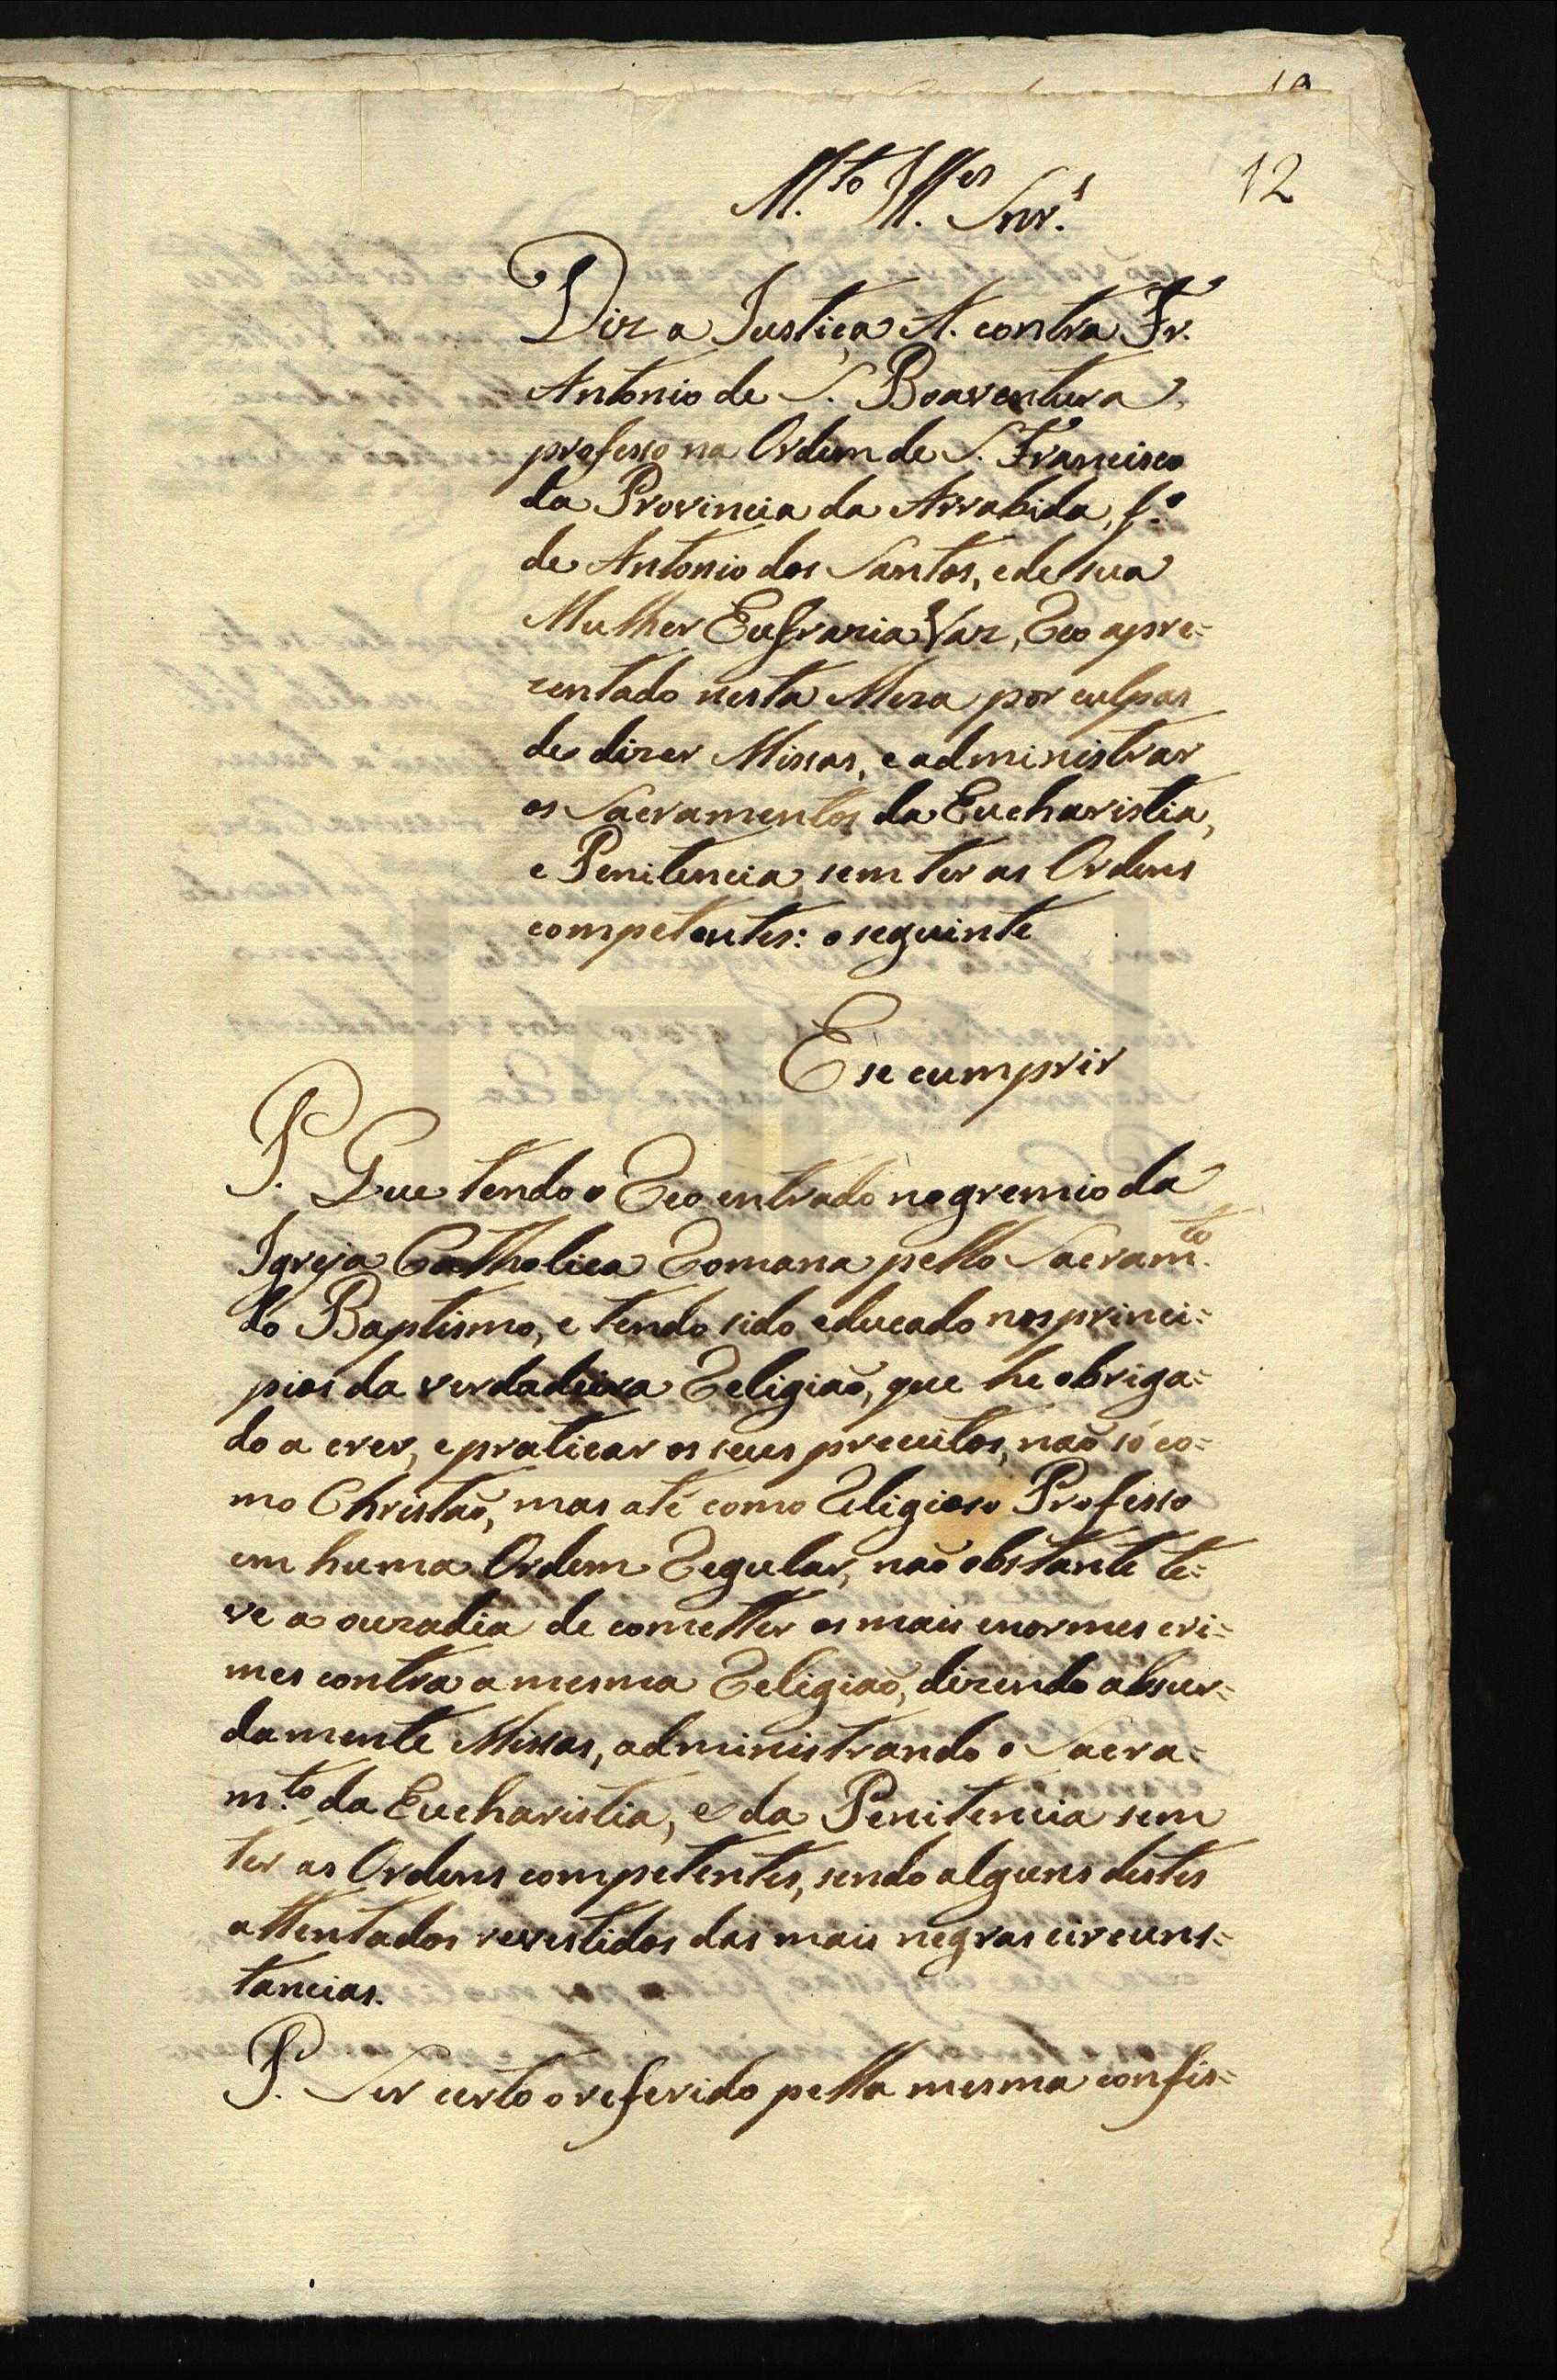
M.to Ill.es Snr.s
Diz a Iustiça A. contra Fr.
Antonio de S. Boaventura
professo na Ordem de S. Francisco
da Provincia da Arrabida, f.o
de Antonio dos Santos, e de sua
Mulher Eufrazia Vaz, Reo apre
zentado nesta Meza por culpas
de dizer Missas, e administrar
os Sacramentos da Eucharistia,
e Penitencia sem ter as Ordens
competentes: o seguinte.
E se cumprir
P. Que tendo o Reo entrado no gremio da
Igreja Catholica Romana pello Sacram.to
do Baptismo, e tendo sido educado nos princi
pios da verdadeira Religiaõ, que he obriga
do a crer, e praticar os seus preceitos, naõ só co
mo Christaõ, mas até como Religioso Professo
em huma Ordem Regular, naõ obstante te
ve a ouzadia de cometter os mais enormes cri
mes contra a mesma Religiaõ, dizendo absur
damente Missas, administrando o Sacra
m.to da Eucharistia, e da Penitencia sem
ter as Ordens competentes, sendo alguns destes
attentados revestidos das mais negras circuns
tancias.
P. Ser certo o referido pella mesma confis
